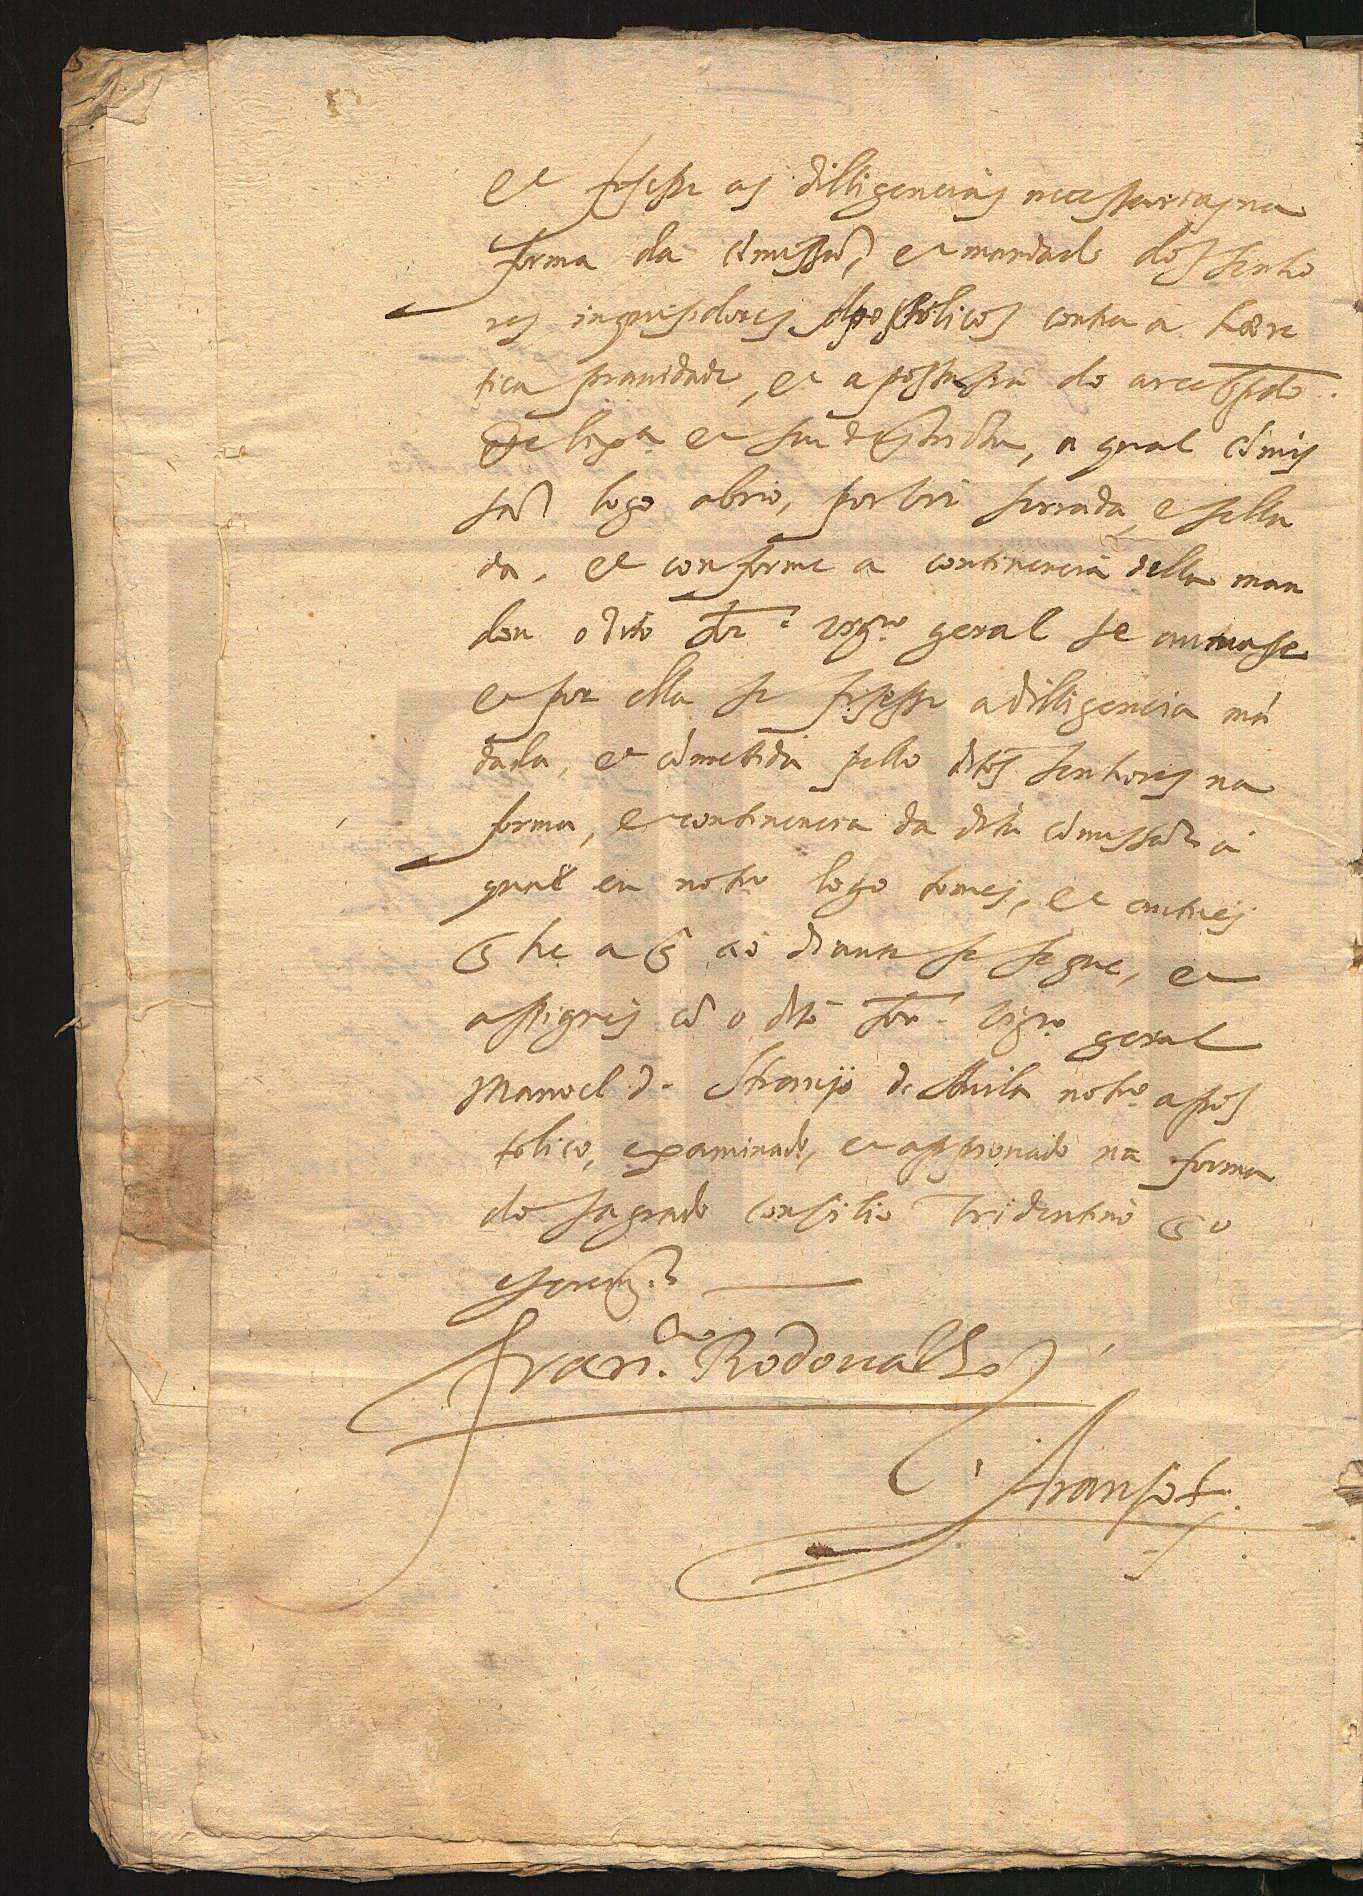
& fesesse as dilligencias necessarias na
forma da cōmissaõ, e mandado dos Senho
res inquisidores Apostolicos contra a hære
tica prauidade, e apostasia do arcēbpdo
de lxa e seu destricto, a qual cōmis
saõ logo abrio, por vir serrada, e sella
da, & conforme a continencia della man
dou o dito s̄or. vig.ro geral se autuase
e por ella se fizesse a dilligencia mā
dada, & cōmetida pello ditos senhores na
forma, e continencia da dita cōmissaõ a
qual eu notro logo tomej, & emtrej
q̄ he a q̄ ao diante se segue, e
assignej cō o dito s̄or vigr.o geral
Manoel de Araujo de Auila notro apos
tolico, examinado, e approuado na forma
do sagrado conCilio Tridentino q̄ o
escreuj.
fran.co Rodoualho
Araujo
